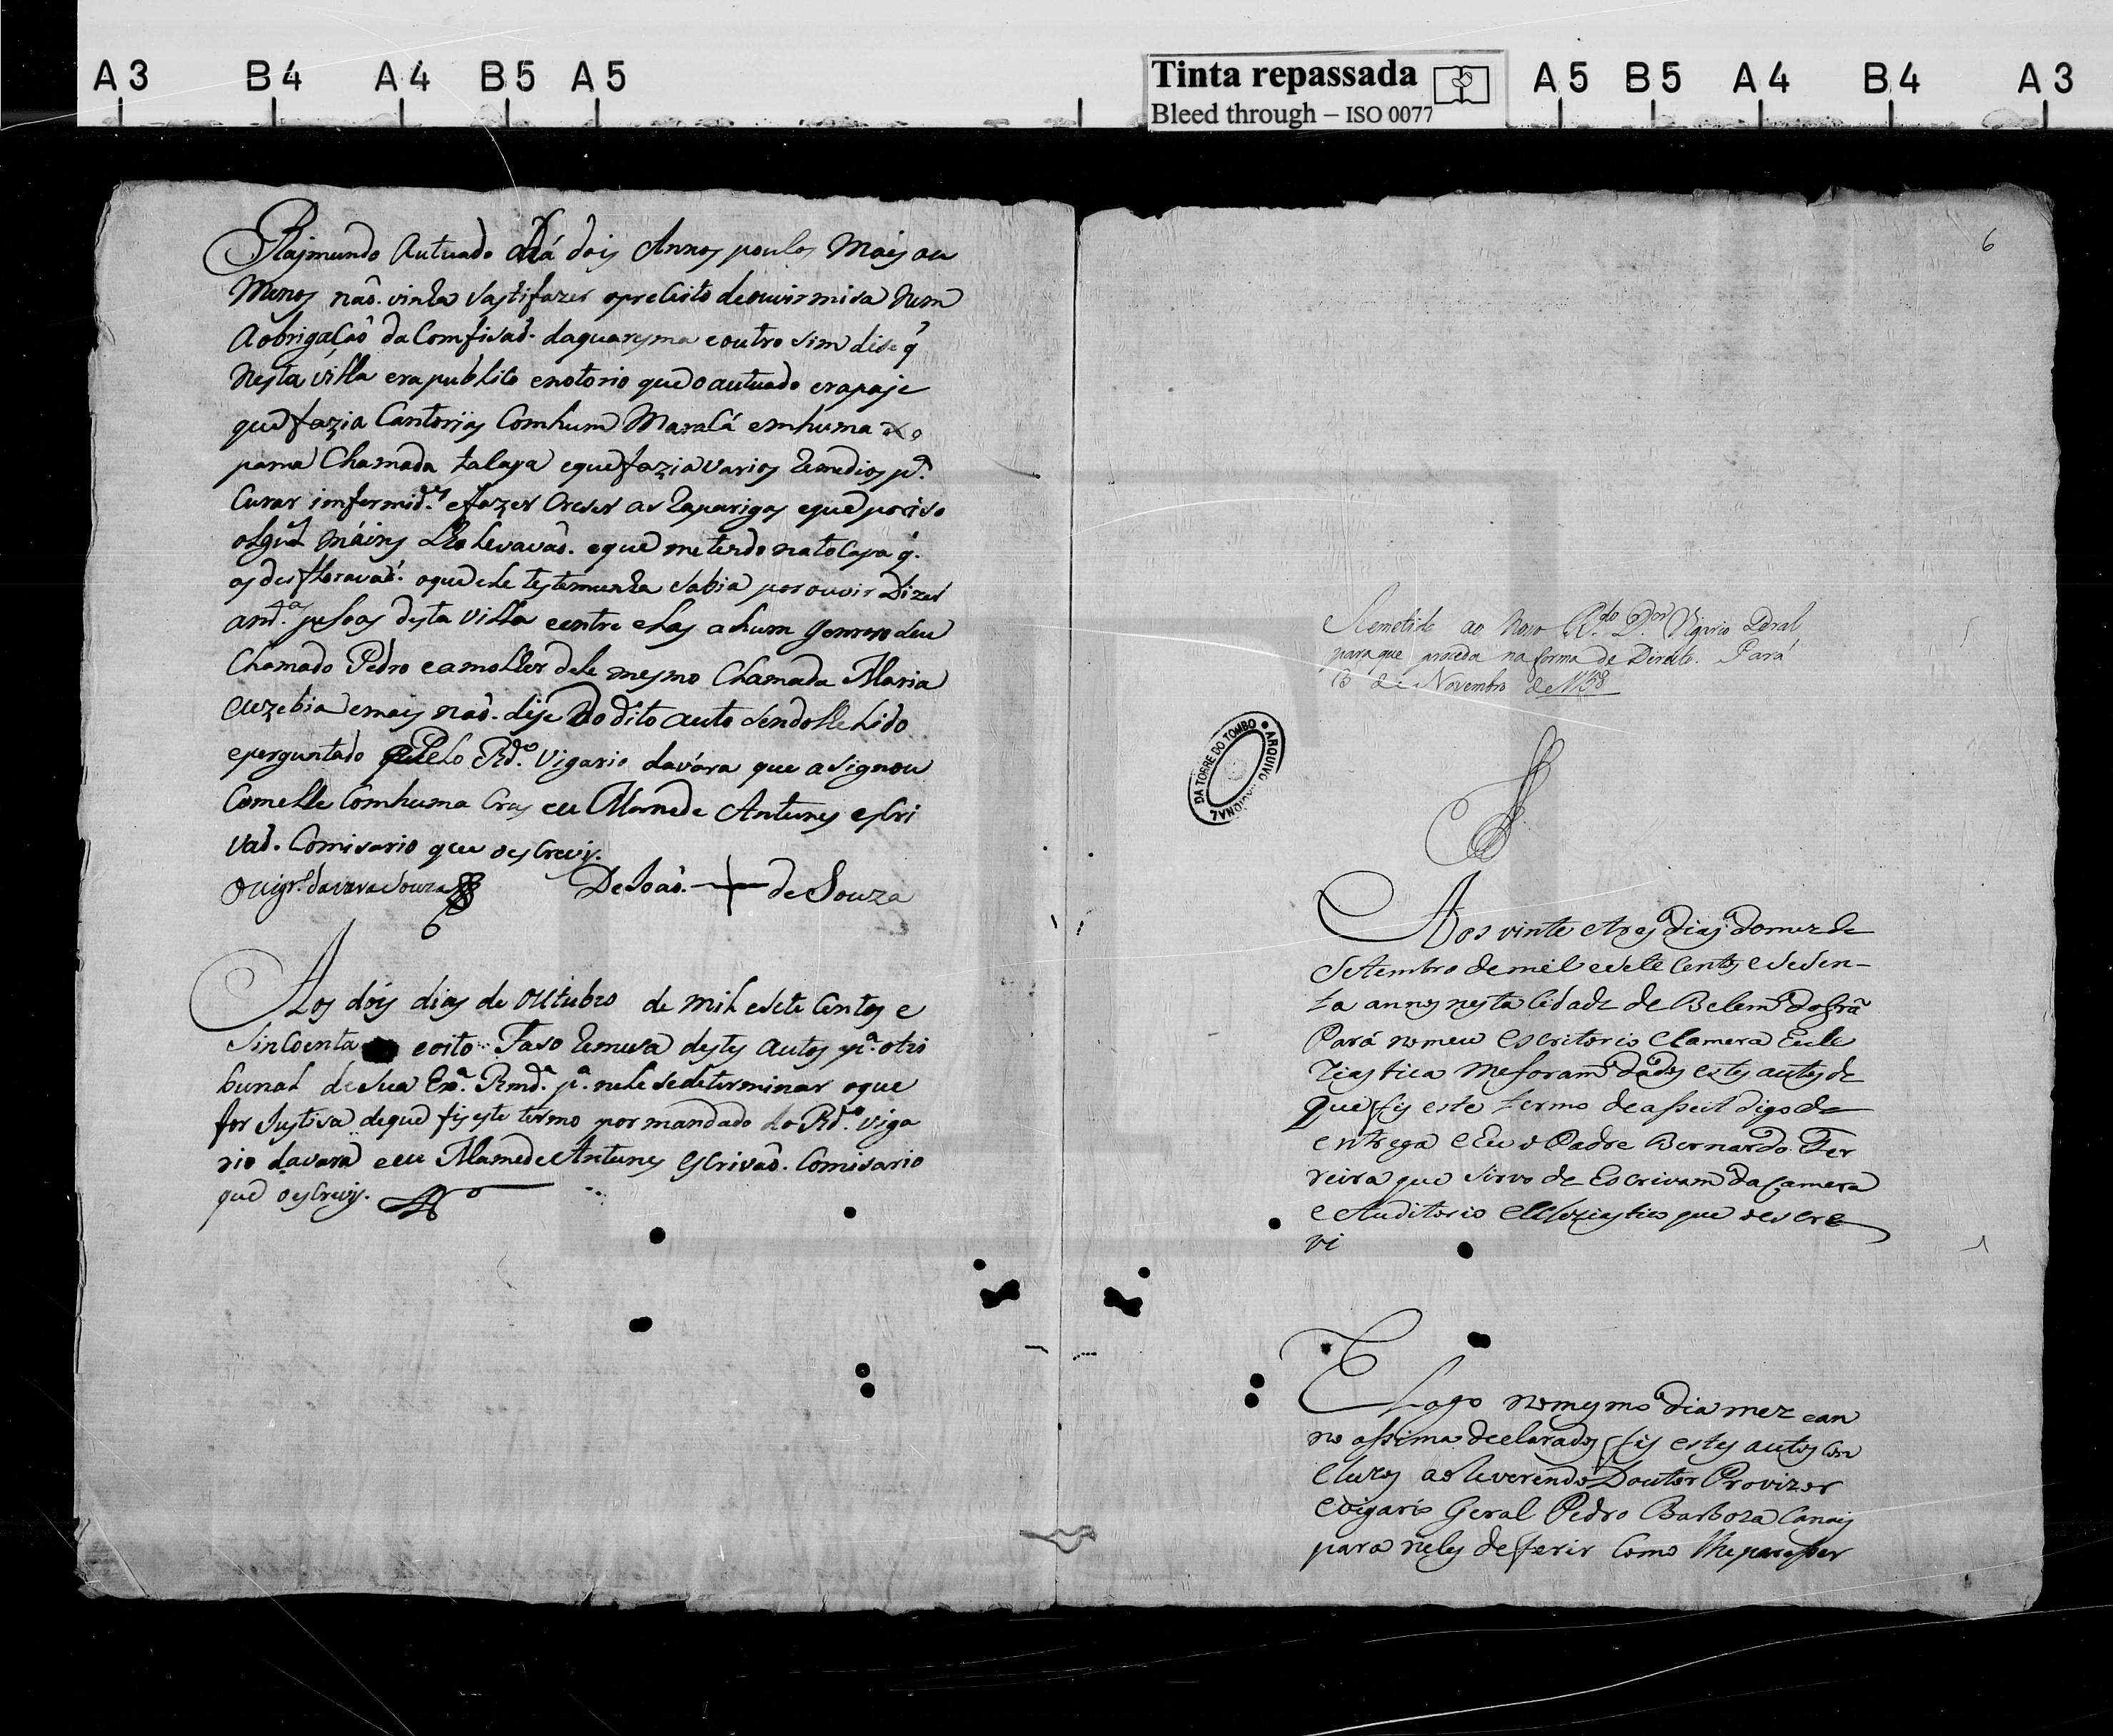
Rajmundo autuado há dois Annos pouCos mais ou
menos naõ. vinha sastifazer o preCeito de ouvir misa nem
a obrigaÇaõ da Comfisaõ. da quaresma e outrosim dise q̄
nesta villa era publiCo e notorio que o autuado era paje
que fazia Cantorias Com hum ManaCá em huma xo
pana Chamada toCaya e que fazia varios Remedios p.a
Curar imfermid.es e fazer Creser as Raparigas e que por iso
alguās máins lhe levavaõ. e que metendo na toCaya q̄.
os desfloravaõ. o que ele testemunha sabia por ouvir Dizer
a m.tas pesoas desta villa e entre elas a hum Genroro seu
Chamado Pedro e a molher dele mesmo Chamada Maria
euzebia e mais naõ. dise do dito auto sendolhe lido
e perguntado Pelo Rd.o vigario da vára que asignou
Com elle Com huma Crus eu Mamede Antunes esCri
vaõ. Comisario que o esCrevy.
o uigr.o da vara Souza
De Ioaõ + de Souza
Aos dois dias de outubro de mil e seteCentos e
sinCoenta e oito Faso Remesa destes autos p.a o tri
bunal de sua Ex.a Rmd.a p.a nele se determinar o que
for Iustisa de que fis este termo por mandado do Rd.o viga
rio da vara e eu Mamede Antunes esCrivaõ. Comisario
que o esCrevy.
Remetido ao Nosso R.do D.or Vigario Geral
para que proceda na forma de Direito. Pará
3 de Novembro de 1758
Aos vinte e tres dias do mez de
setembro de mil e seteCentos e sesen
ta annos nesta Cidade de Belem do Grã
Pará no meu escritorio e Camera Eccle
Ziastica me foram dados estes autos de
que fis este termo de asseit digo de
entrega e Eu o Padre Bernardo Fer
reira que sirvo de Escrivam da Camera
e Auditorio eccleziastico que o escre
vi
E Logo no mesmo dia mez e an
no assima declarados fis estes autos con
Cluzos ao Reverendo Doutor Provizor
e vigario Geral Pedro Barboza Canais
para neles deferir Como lhe paresser
